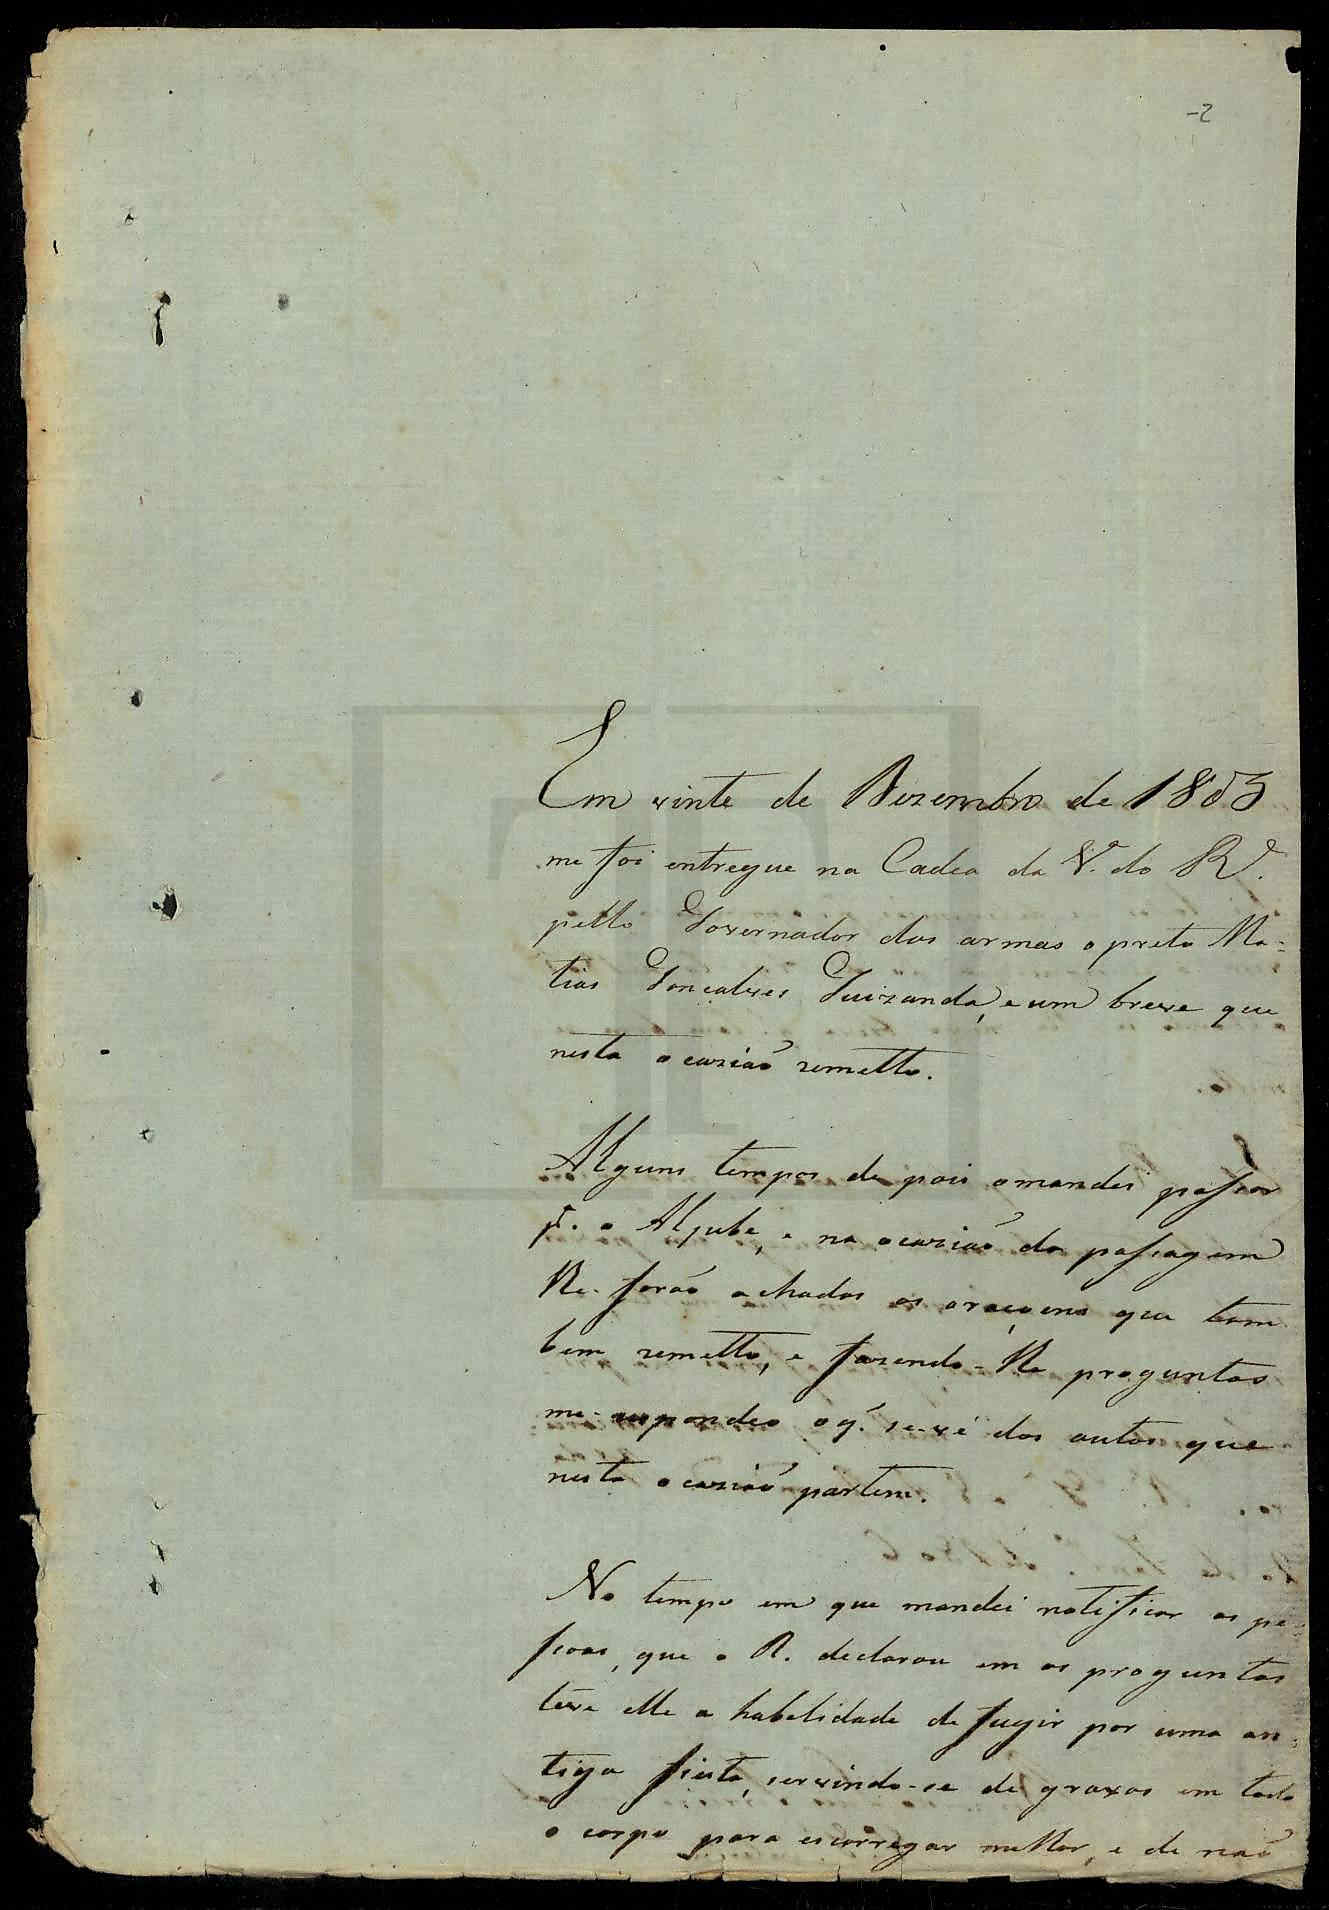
2
Em vinte de Dezembro de 1803
me foi entregue na Cadea da V.a do R.e
pello Governador das armas o preto Ma
tias Goncalves Guizanda, e um breve que
nesta ocaziaõ remetto.
Alguns tempos depois o mandei passar
p.a o Aljube, e na ocaziaõ da passagem
lhe foraõ achadas os oraçoens que tam
bem remetto, e fazendo-lhe proguntas
me respondeo o q̄ se vé dos autos que
nesta ocaziaõ partem.
No tempo em que mandei notificar as pe
ssoas, que o R. declarou em as proguntas
teve elle a habalidade de fugir por uma an
tiga frista, servindo-se de graxas em todo
o corpo para escorregar melhor, e de naõ
